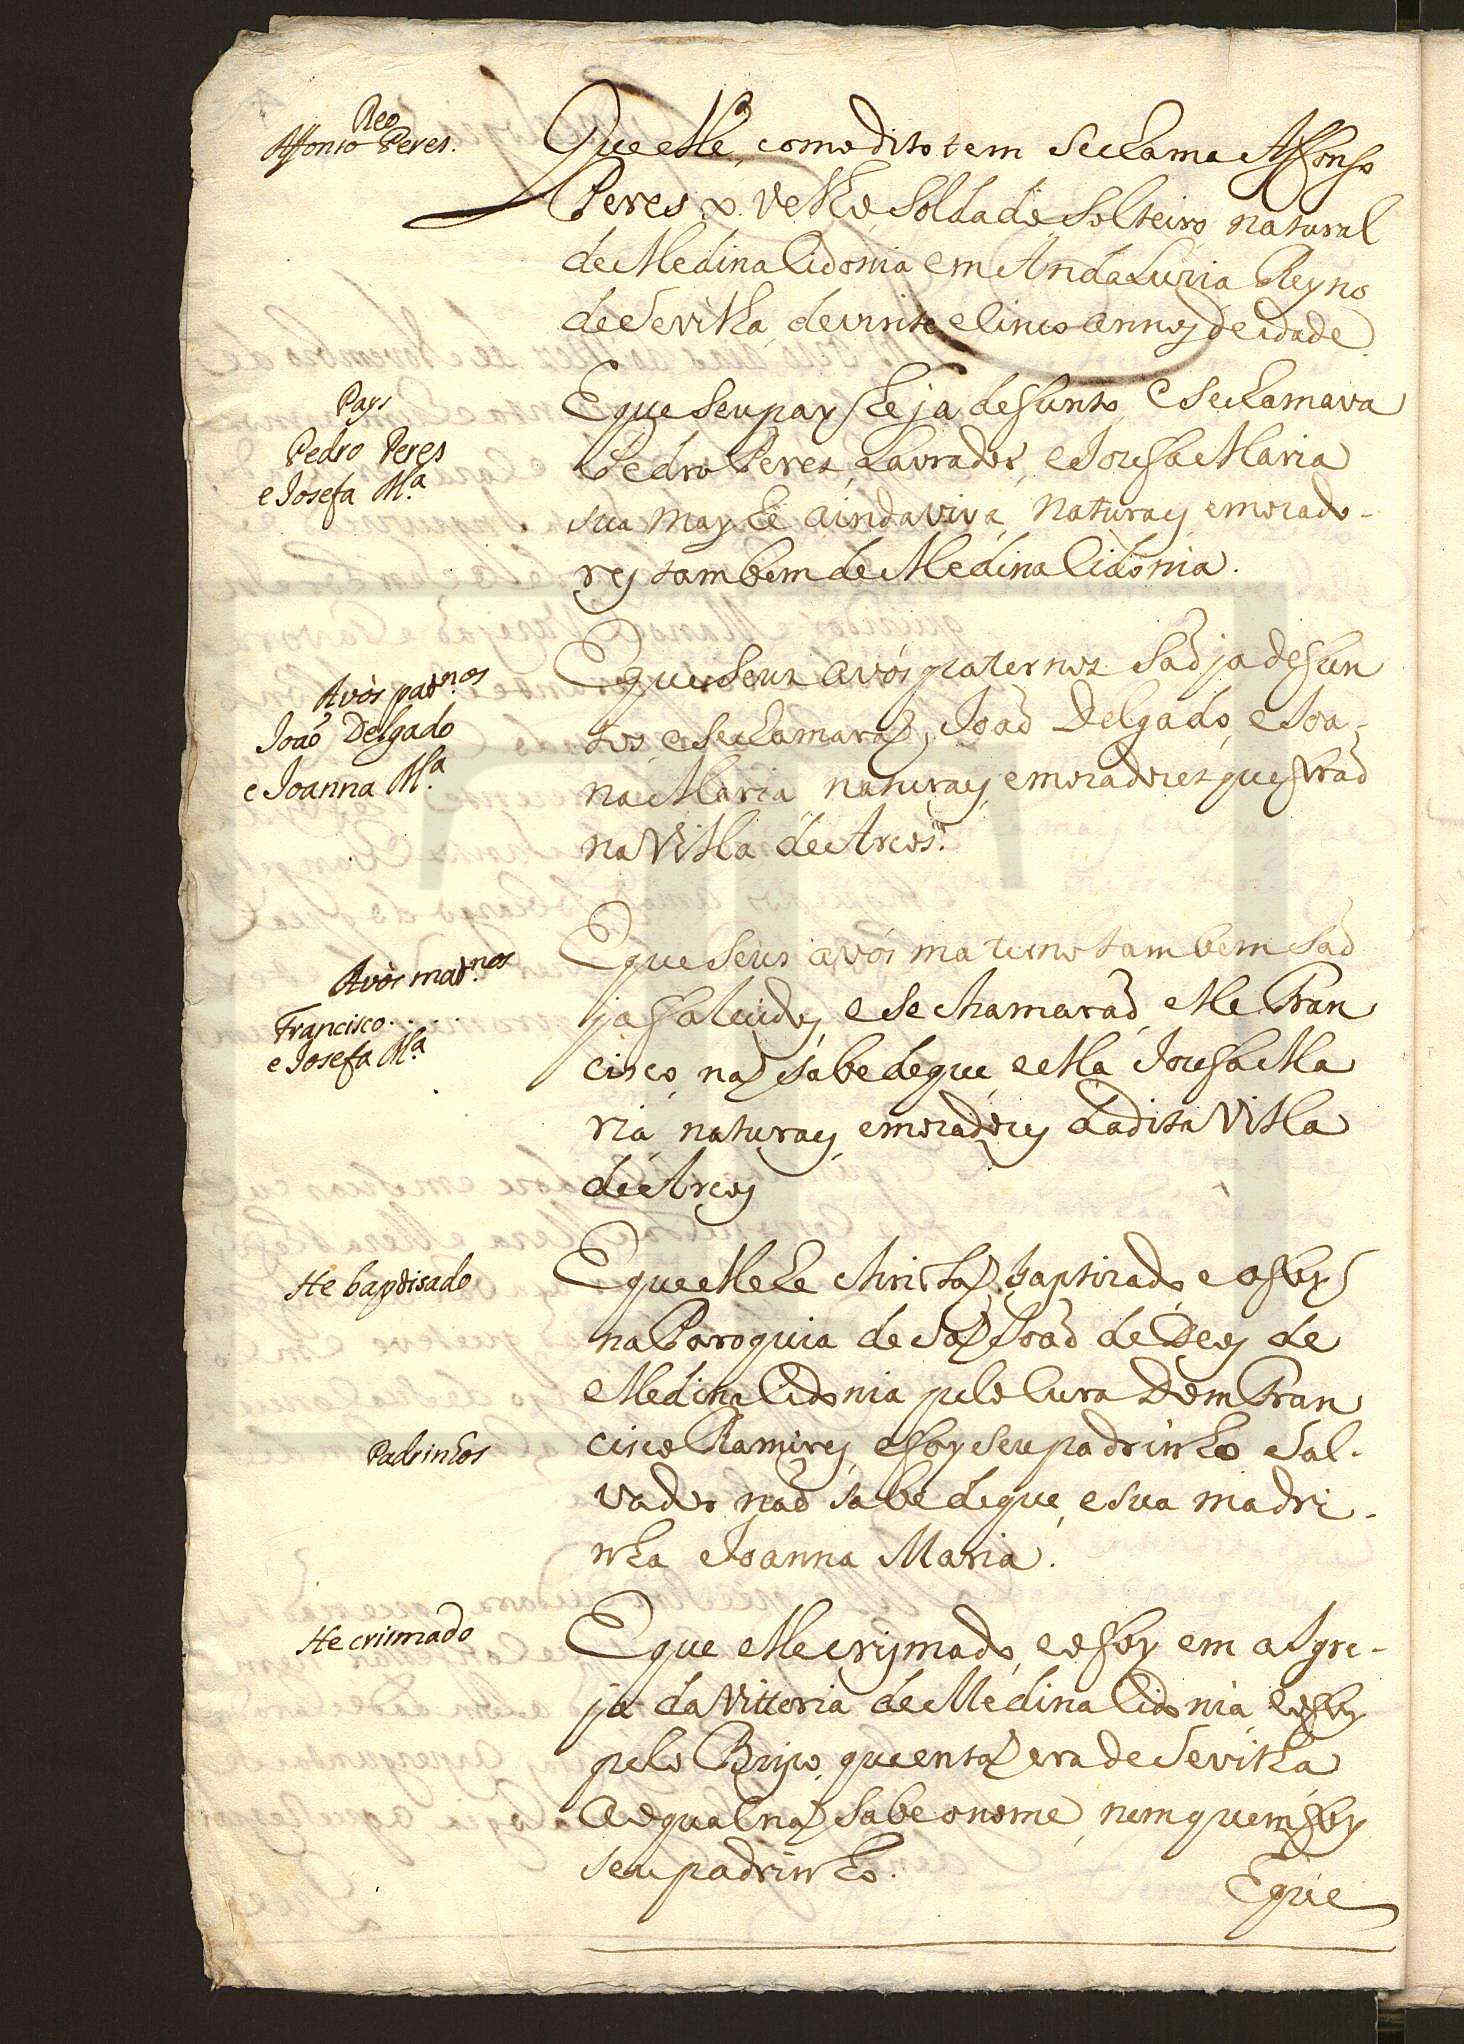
Reo
Affonso Peres.
Que elle, como dito tem se chama Affonso
Peres x. velho Soldado Solteiro, natural
de Medina Cidonia em AndaLuzia Reyno
de Sevilha, de vinte e cinco annos de idade.
Pays
Pedro Peres
e Iosefa M.a
E que Seu pay he ja defunto, e se chamava
Pedro Peres, Lavrador, e Iozefa Maria
sua may he ainda viva, naturaes, e morado
res tambem de Medina Cidonia.
E que Seuz avós praternoz Saõ ja defun
Avós pat.nos
Ioaõ Delgado
e Ioanna M.a
tos, e Se chamaraõ, Ioaõ Delgado, e Ioa
na Maria, naturaes, e moradorez que foraõ
na Villa de Arcos.
E que Seus avós materno tambem saõ
Avòs mat.nos
Francisco.
e Iosefa M.a
ja falecidos, e se chamaraõ elle Fran
cisco, naõ sabe de que, e ella Iozefa Ma
ria, naturaes, e moradores da dita Villa
de Arcos
E que elle he christaõ baptizado, e o foy
He baptisado
na Paroquia de Saõ Ioaõ de Deos de
Medina Cidonia pelo Cura Dom Fran
cisco Ramires, e foy seu padrinho Sal
Padrinhos
vador naõ sabe de que, e sua madri
nha Ioanna Maria.
He crismado
E que elle crismado, e o foy em a Igre
ja da Vittoria de Medina Cidonia, e o foy
pelo Bispo, que entaõ era de Sevilha,
ao qual naõ Sabe o nome, nem quem foy
seu padrinho.
E que
